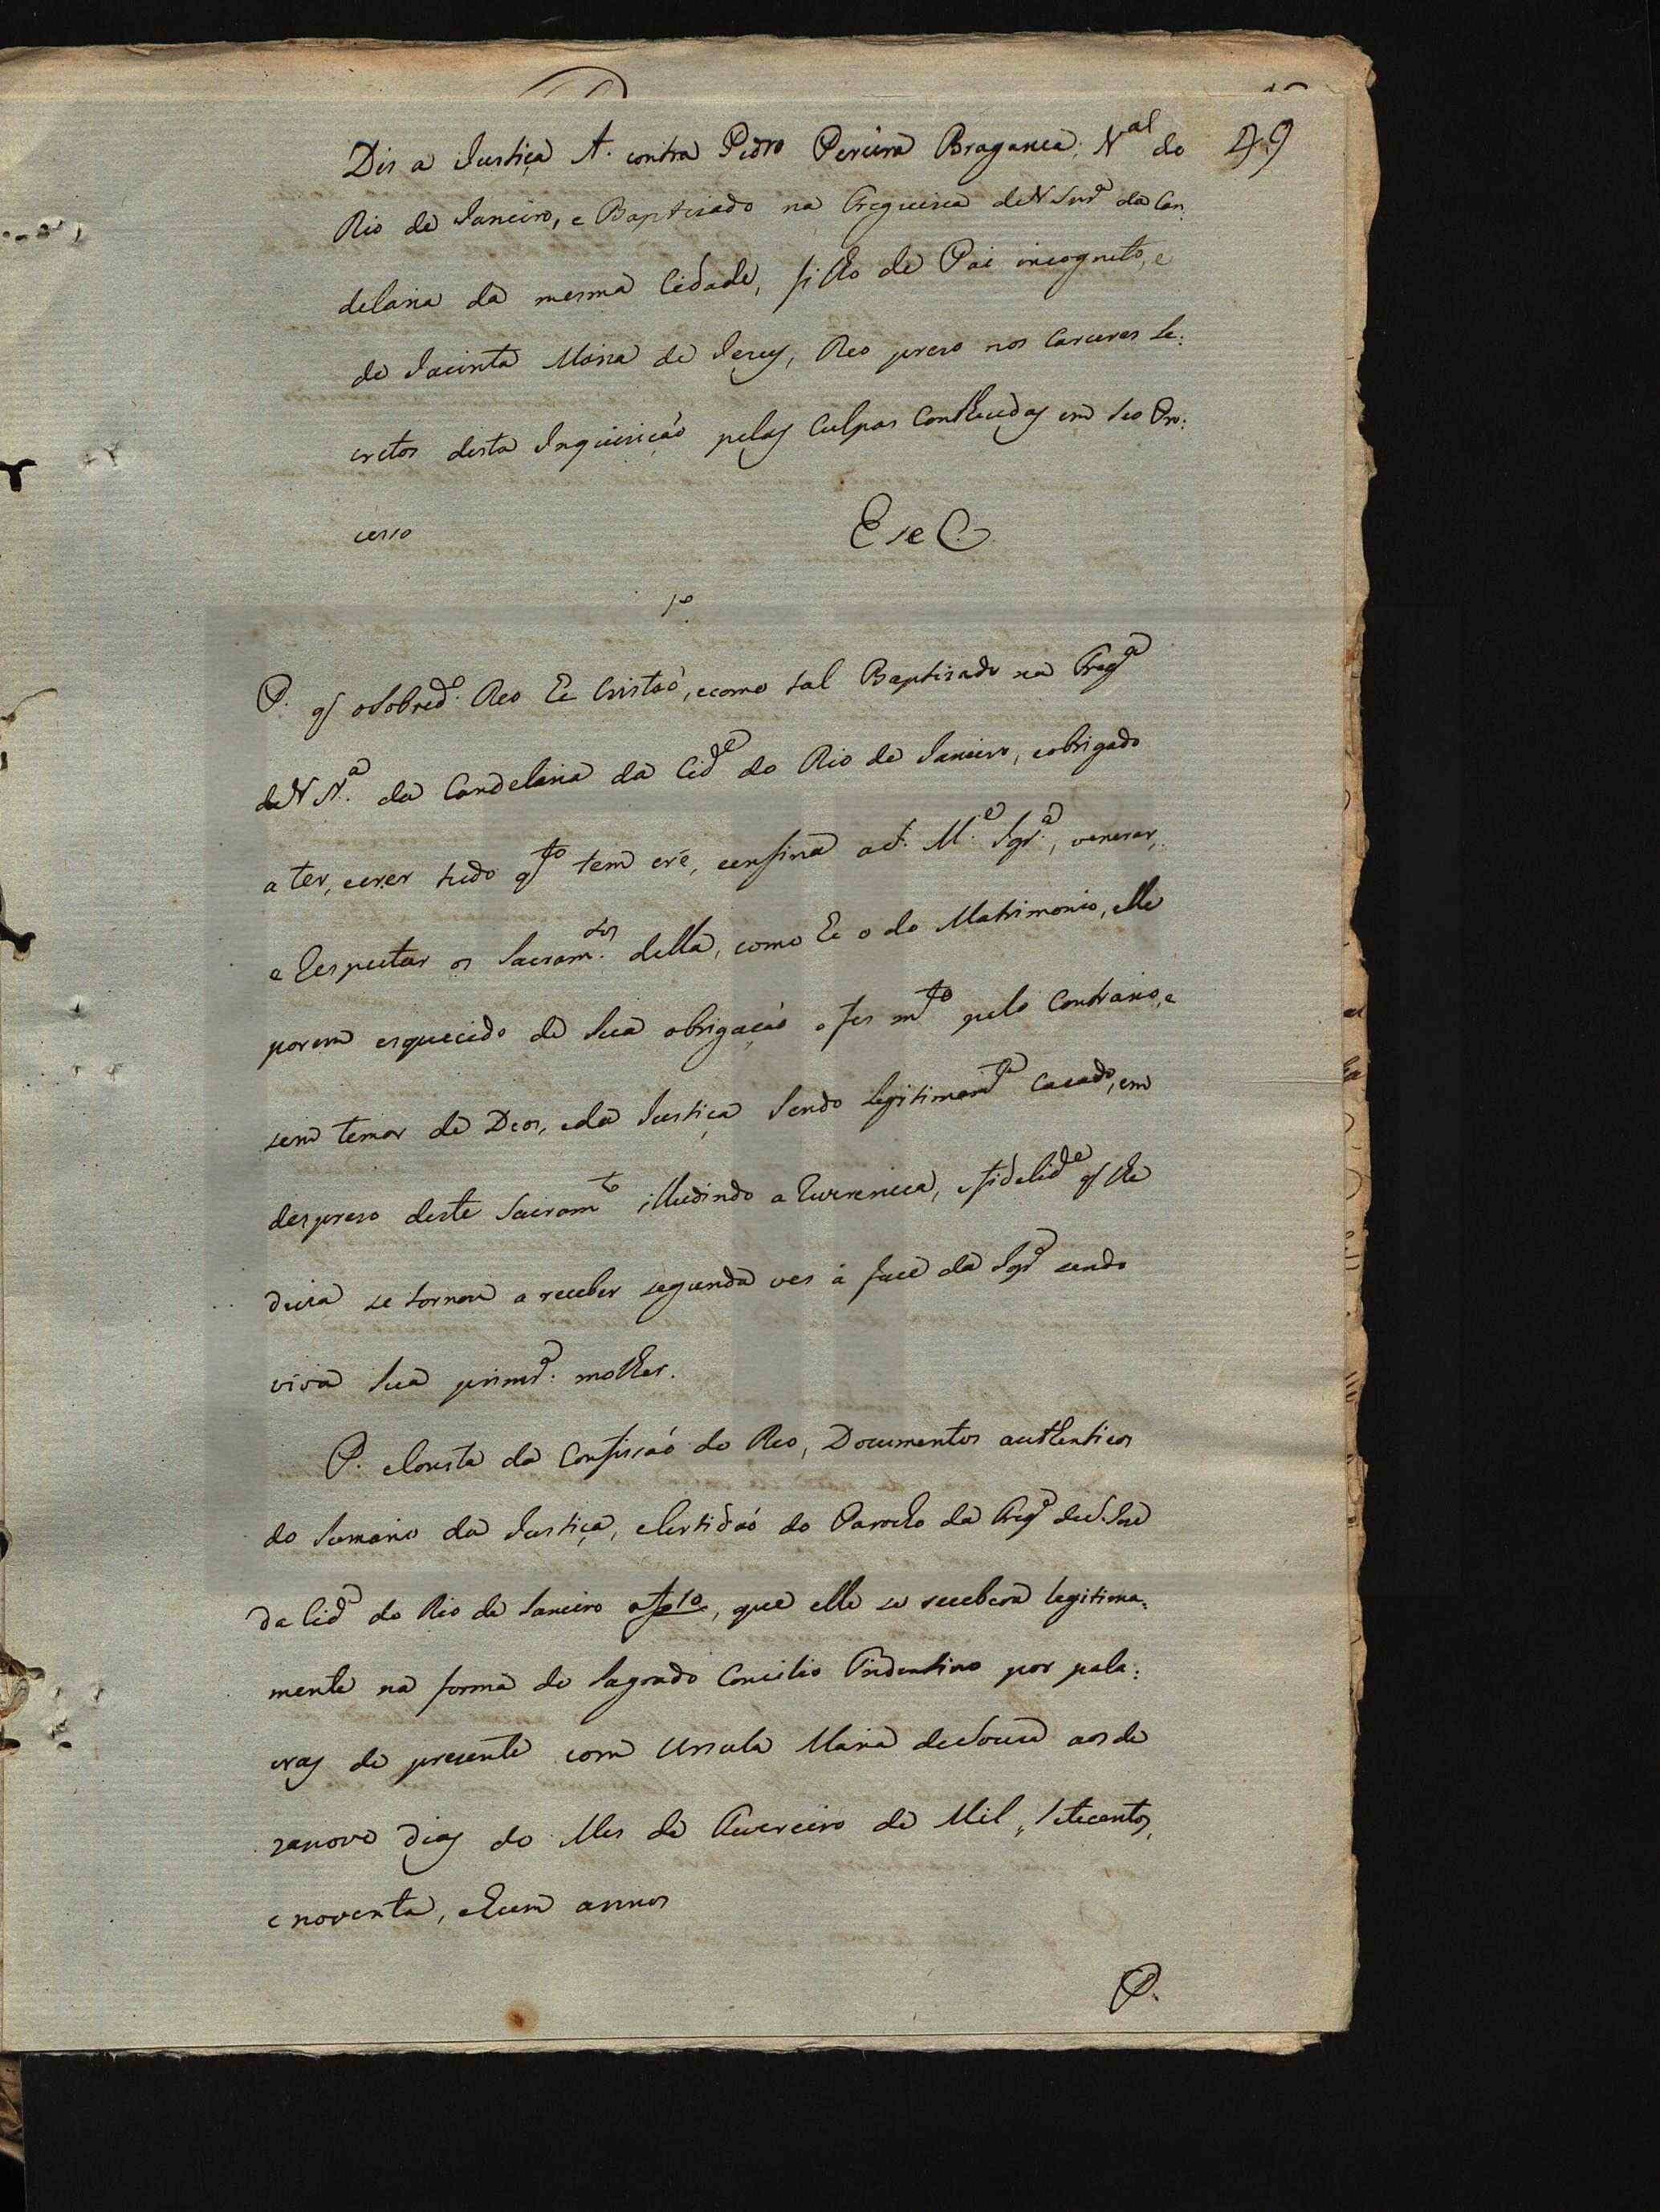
Dis a Iustiça A. contra Pedro Pereira Bragança. N.al do 49
Rio de Ianeiro, e Baptizado na Freguesia de N Snra da Can
delaria da mesma Cidade, filho de Pai incognito, e
de Iacinta Maria de Iezus, Reo preso nos carceres Se
cretos desta Inquisiçao pelas Culpas Contheudas em seo Pro
cesso
E se C
1.º
P. q̄ o Sobred.o Reo he Cristaõ, e como tal Baptizado na Frega
da N Sr.a da Candelaria da Cide do Rio de Ianeiro, e obrigado
a ter, e crer tudo qto tem cré, e ensina a S. M.e Igr.a, venerar,
e Respeitar os Sacram.tos della, como he o do Matrimonio, elle
porem esquecido de Sua obrigaçaõ o fes m.to pelo Contrario, e
sem temor de Deos, e da Iustiça, Sendo Legitimamte cazado, em
despreso deste Sacramto, illudindo a Reverencia, e fidelide q̄ lhe
devia se tornou a receber segunda ves á face da Igra sendo
viva Sua primr.a molher.
P. e Consta da Confissaõ do Reo, Documentos authenticos
do Sumano da Iustiça, e Certidaõ do Parocho da Frega de S Ioze
da Cide do Rio de Ianeiro a f 10, que elle se recebera legitima
mente na forma do Sagrado Concilio Tridentino por pala
vras de prezente com Ursula Maria de Souza aos de
zenove dias do Mes de Fevereiro de Mil, Setecentos,
e noventa, e hum annos
